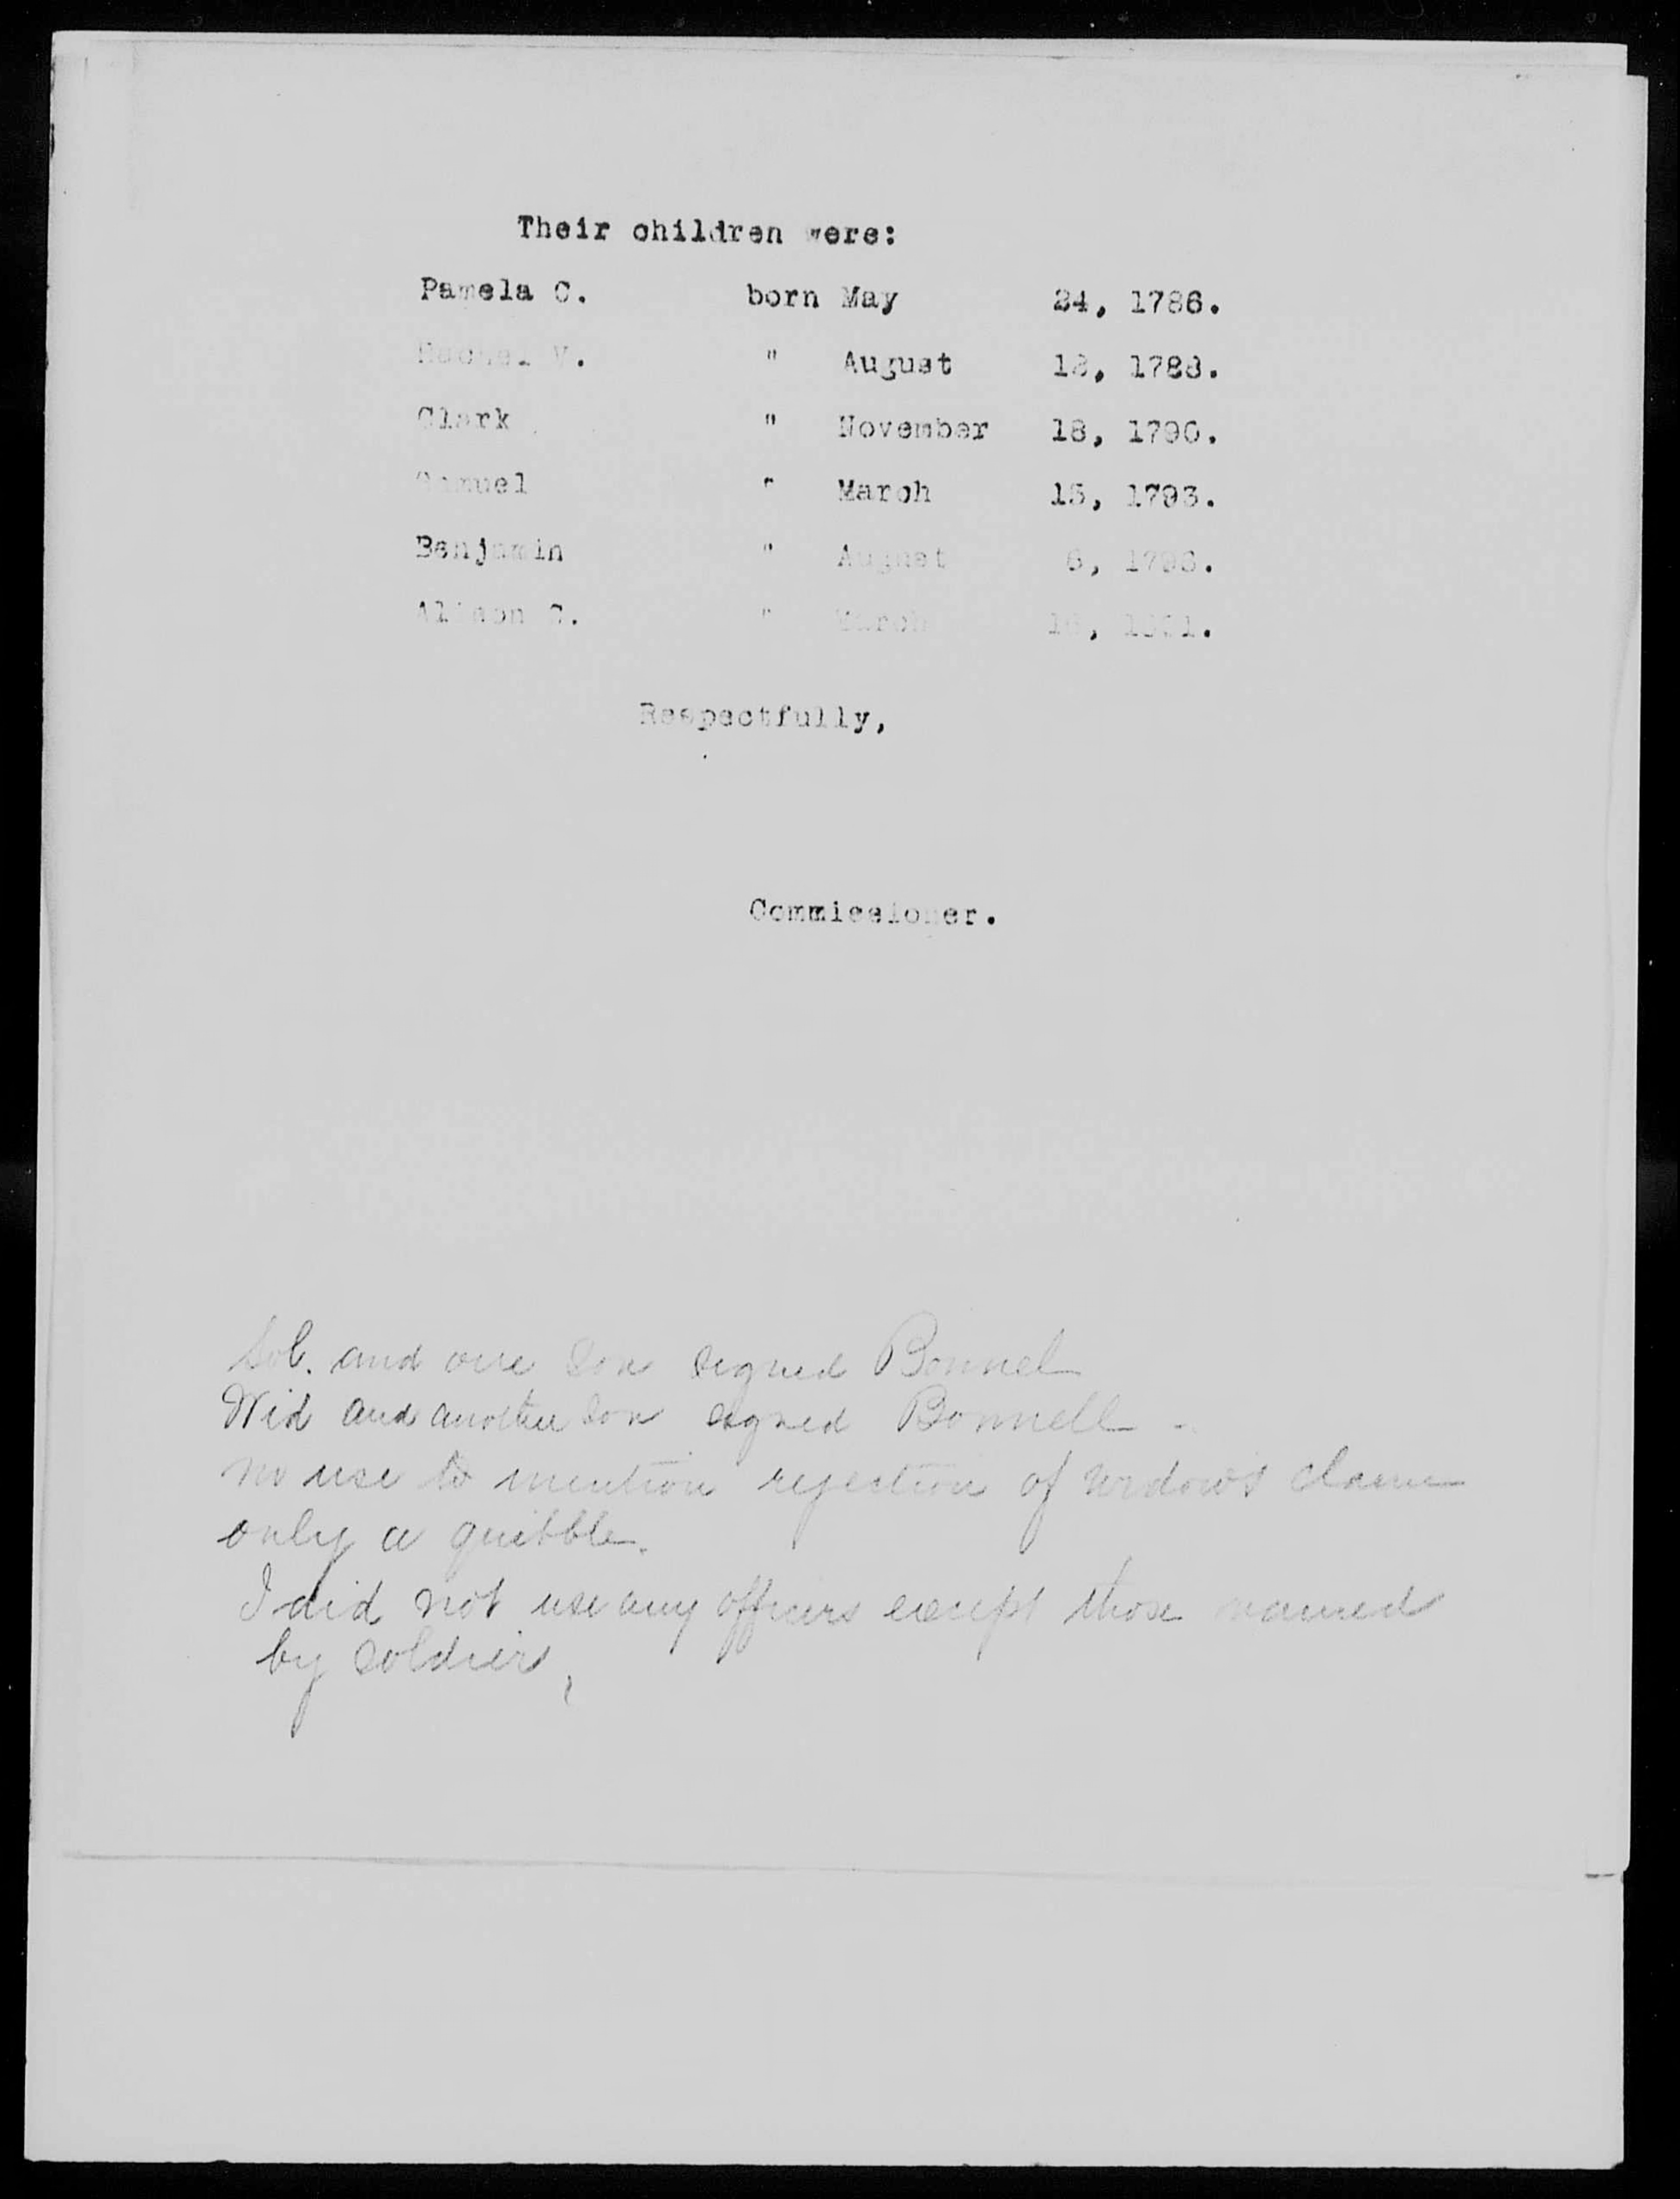Their children were:

Pamela C.         Born   May    24, 1786
Rachel V.            "       August 12, 1788
Clark                   "       November 18, 1790
Samuel               "       March 13, 1793                      
Benjamin            "       August 6, 1796
Alison C.             "        March   16, 1801    

Respectfully,


Commissioner.

Sol. and one son signed Bonnel
Wid and another son signed Bonnell
no use to mention rejection of widow's claim
only a quibble
I did not use any officers except those named by soldier.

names: Bonnell, Clark, Rachel V, , Pamela C, Samuel, Benjamin, Bonnel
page: 65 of 67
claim: rejected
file: R. 1009, Aaron Bonnel, New Jersey